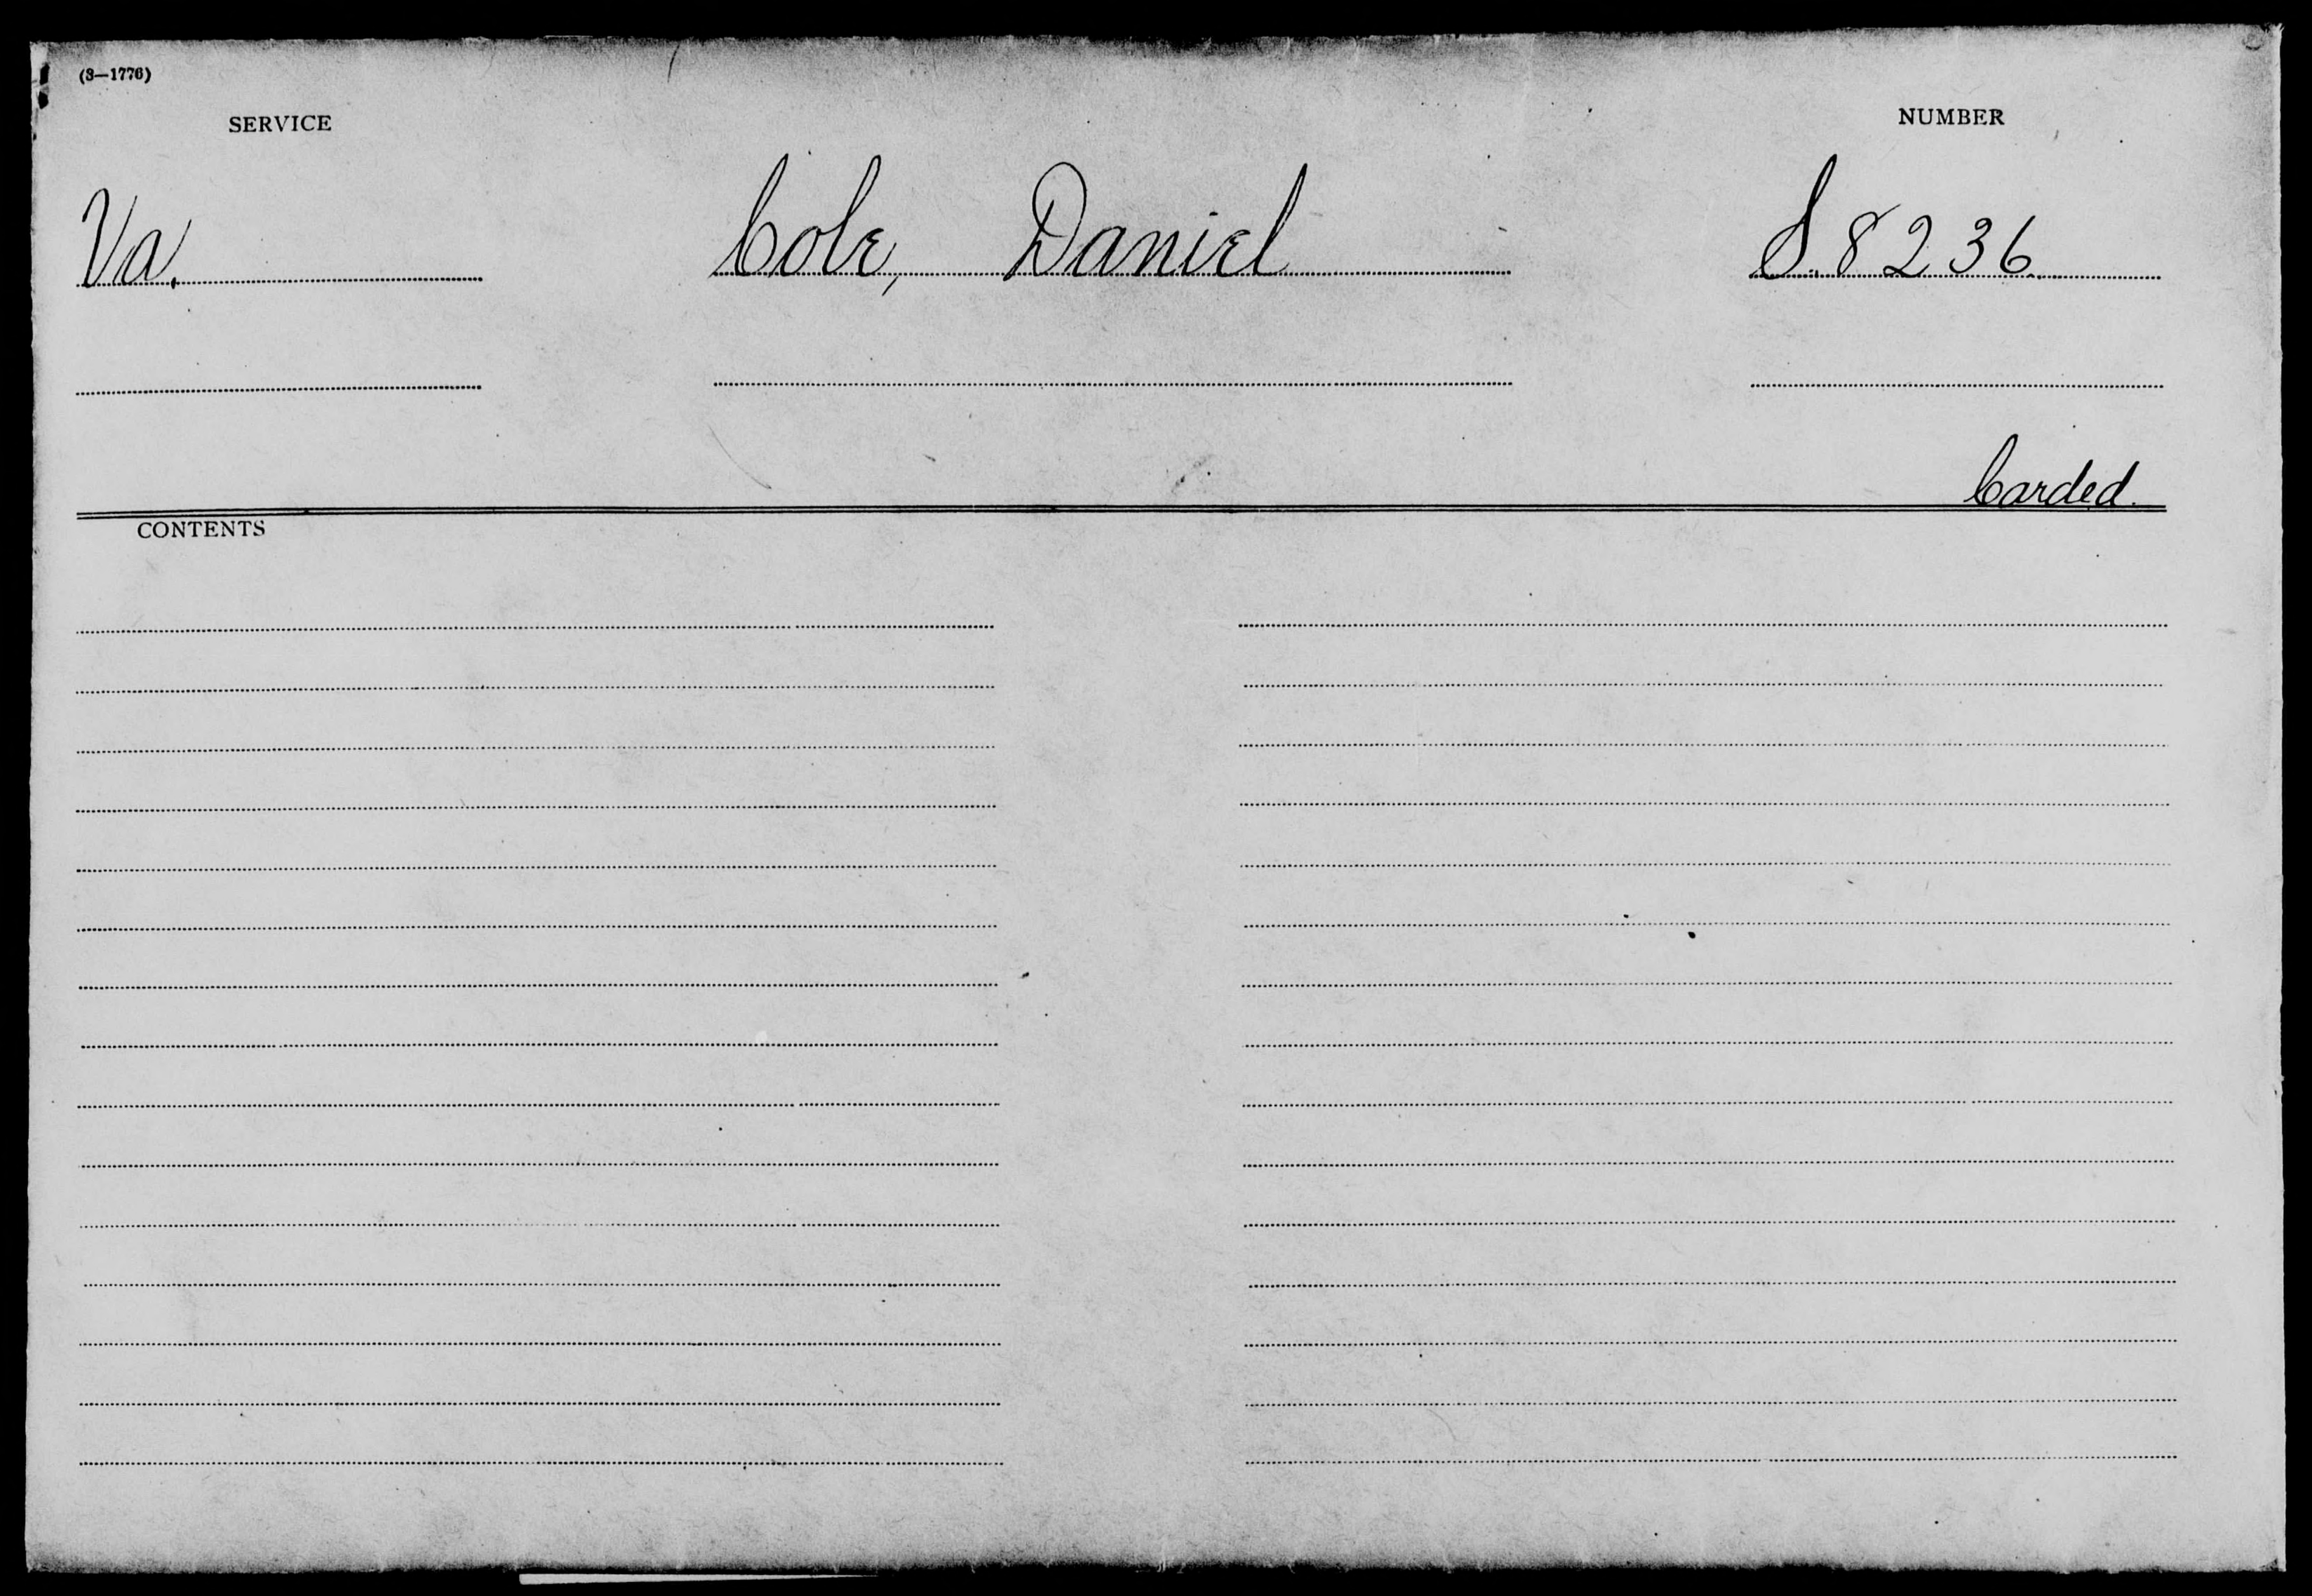(3-1776)

[column headings: SERVICE. [blank]. NUMBER]

Va. Cole, Daniel. S. 8236

[i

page: 1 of 61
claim: survivor's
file: S. 8236, Daniel Cole, Va.